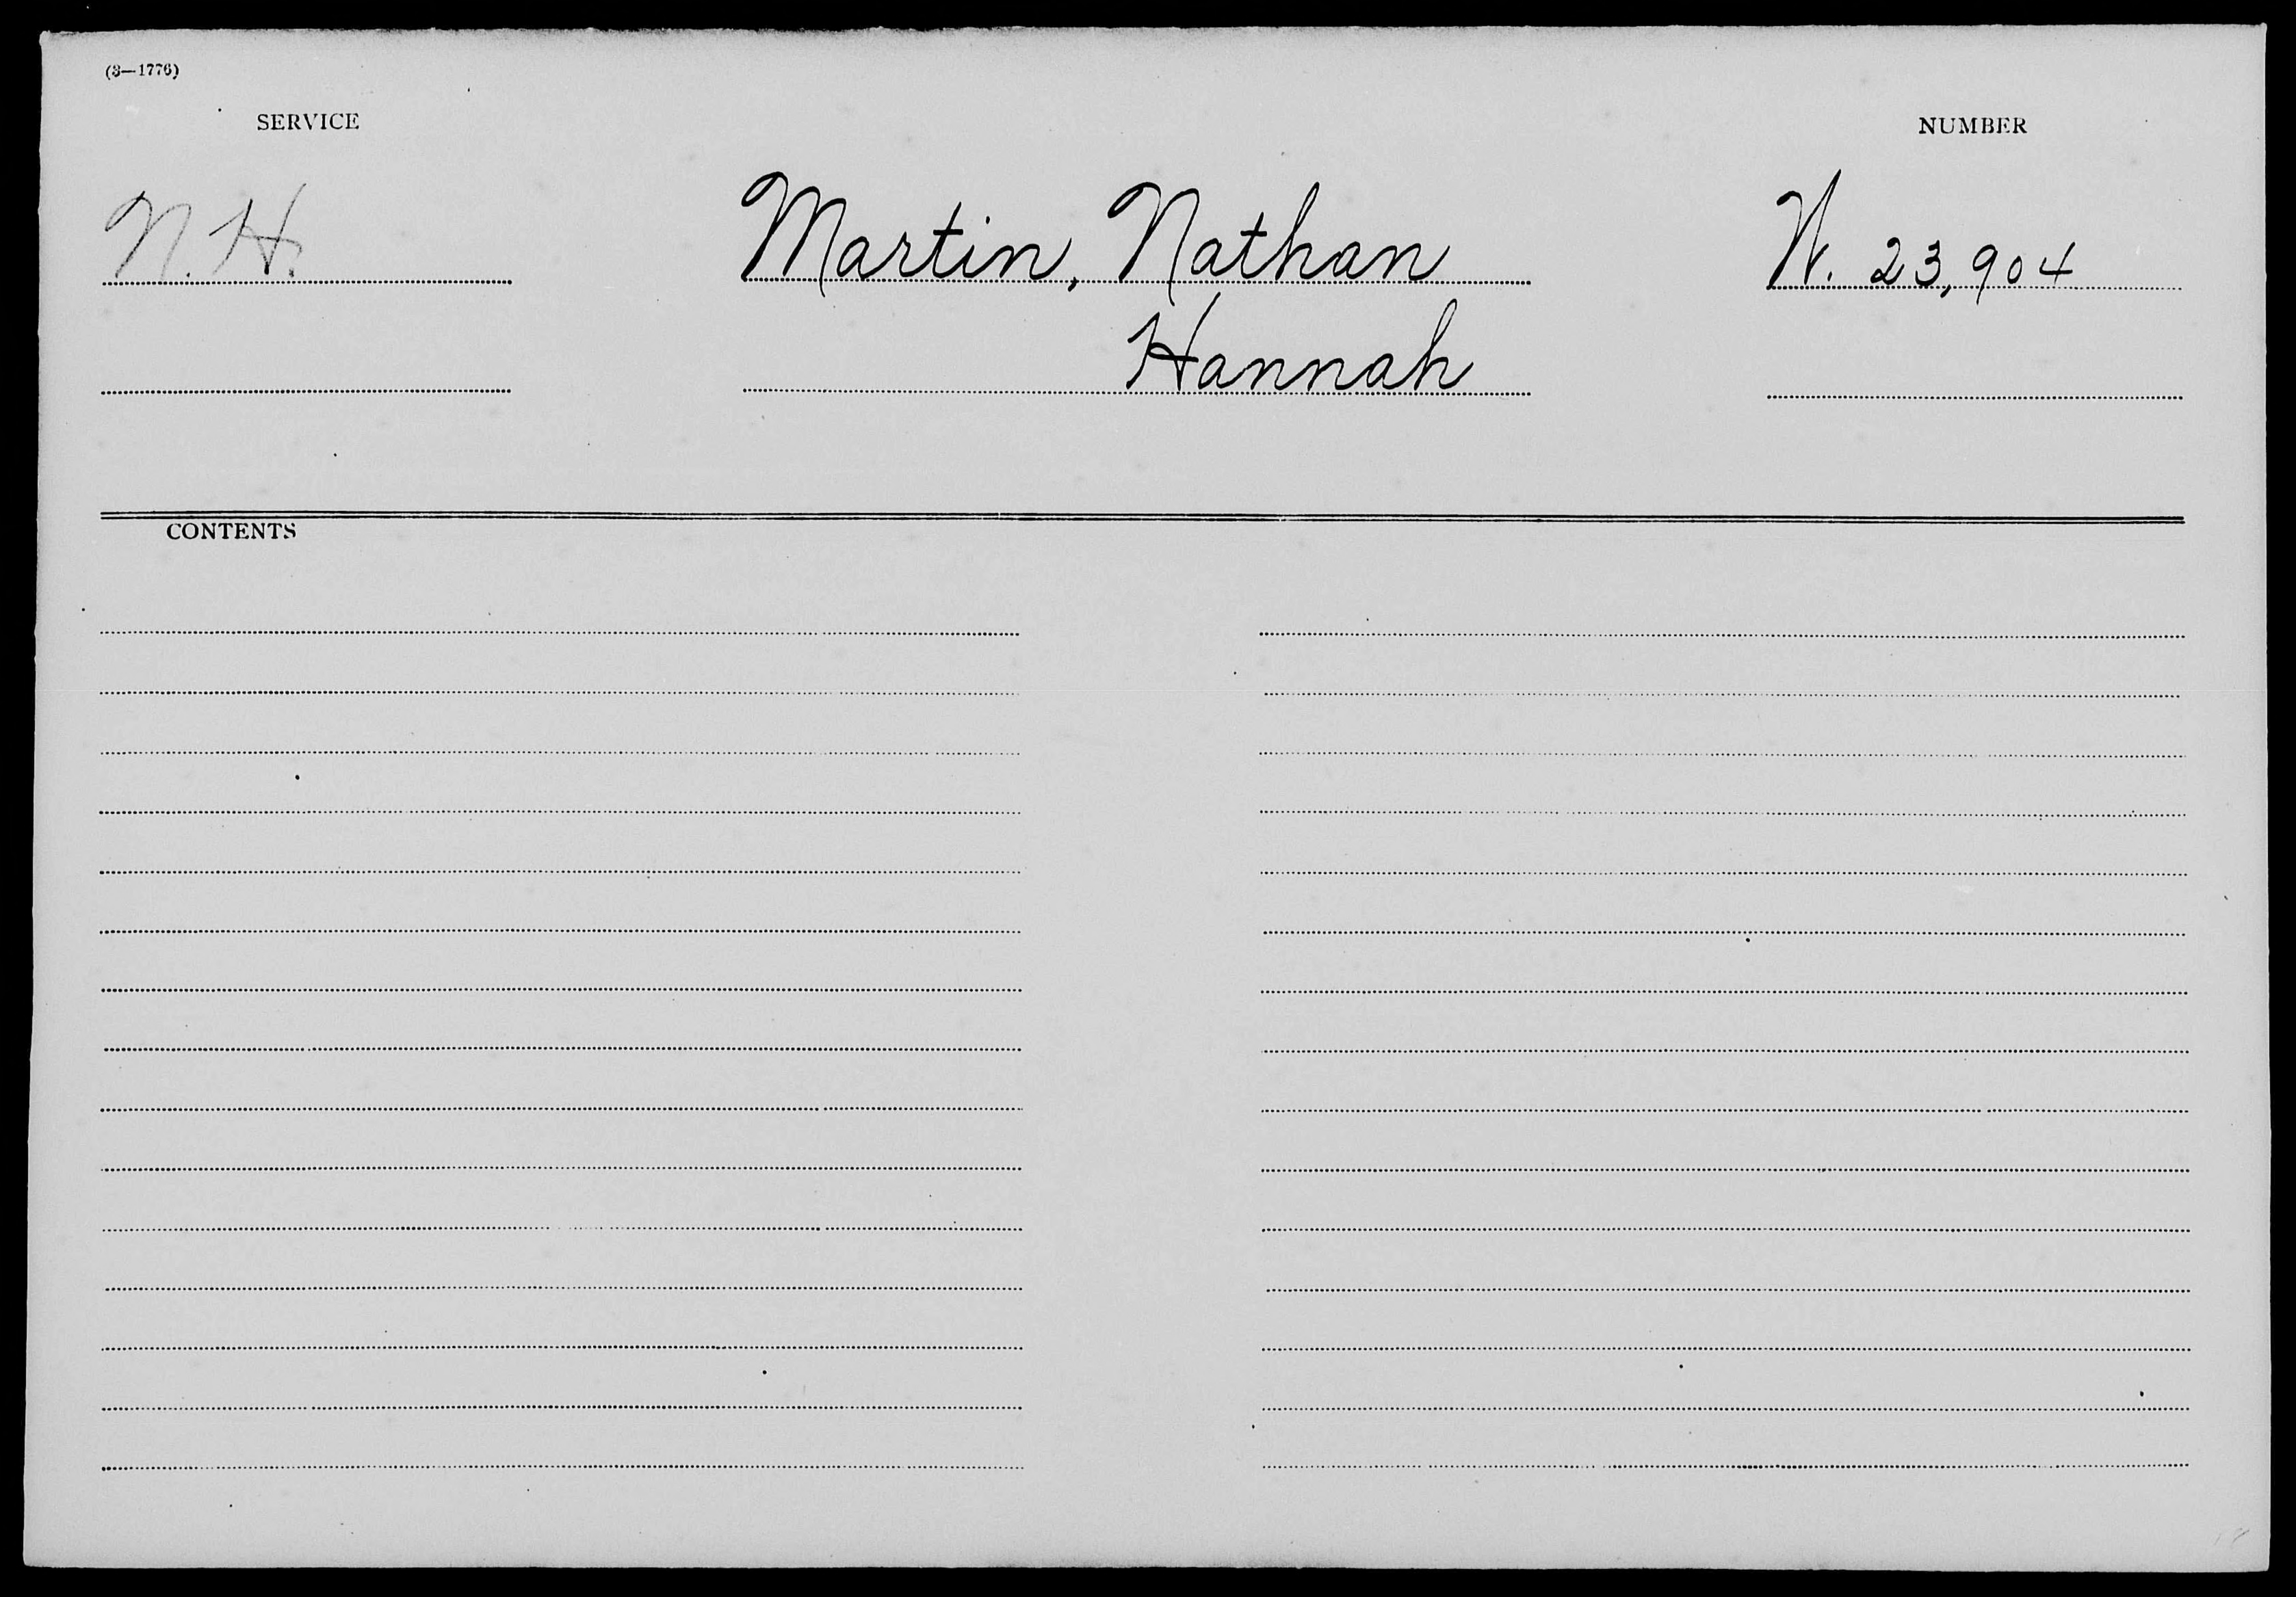(3 - 1776)
SERVICE N.H.

Martin, Nathan
Hannah

NUMBER W. 23,904

CONTENTS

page: 1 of 30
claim: widow's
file: W. 23,904, for Nathan Martin, New Hampshire